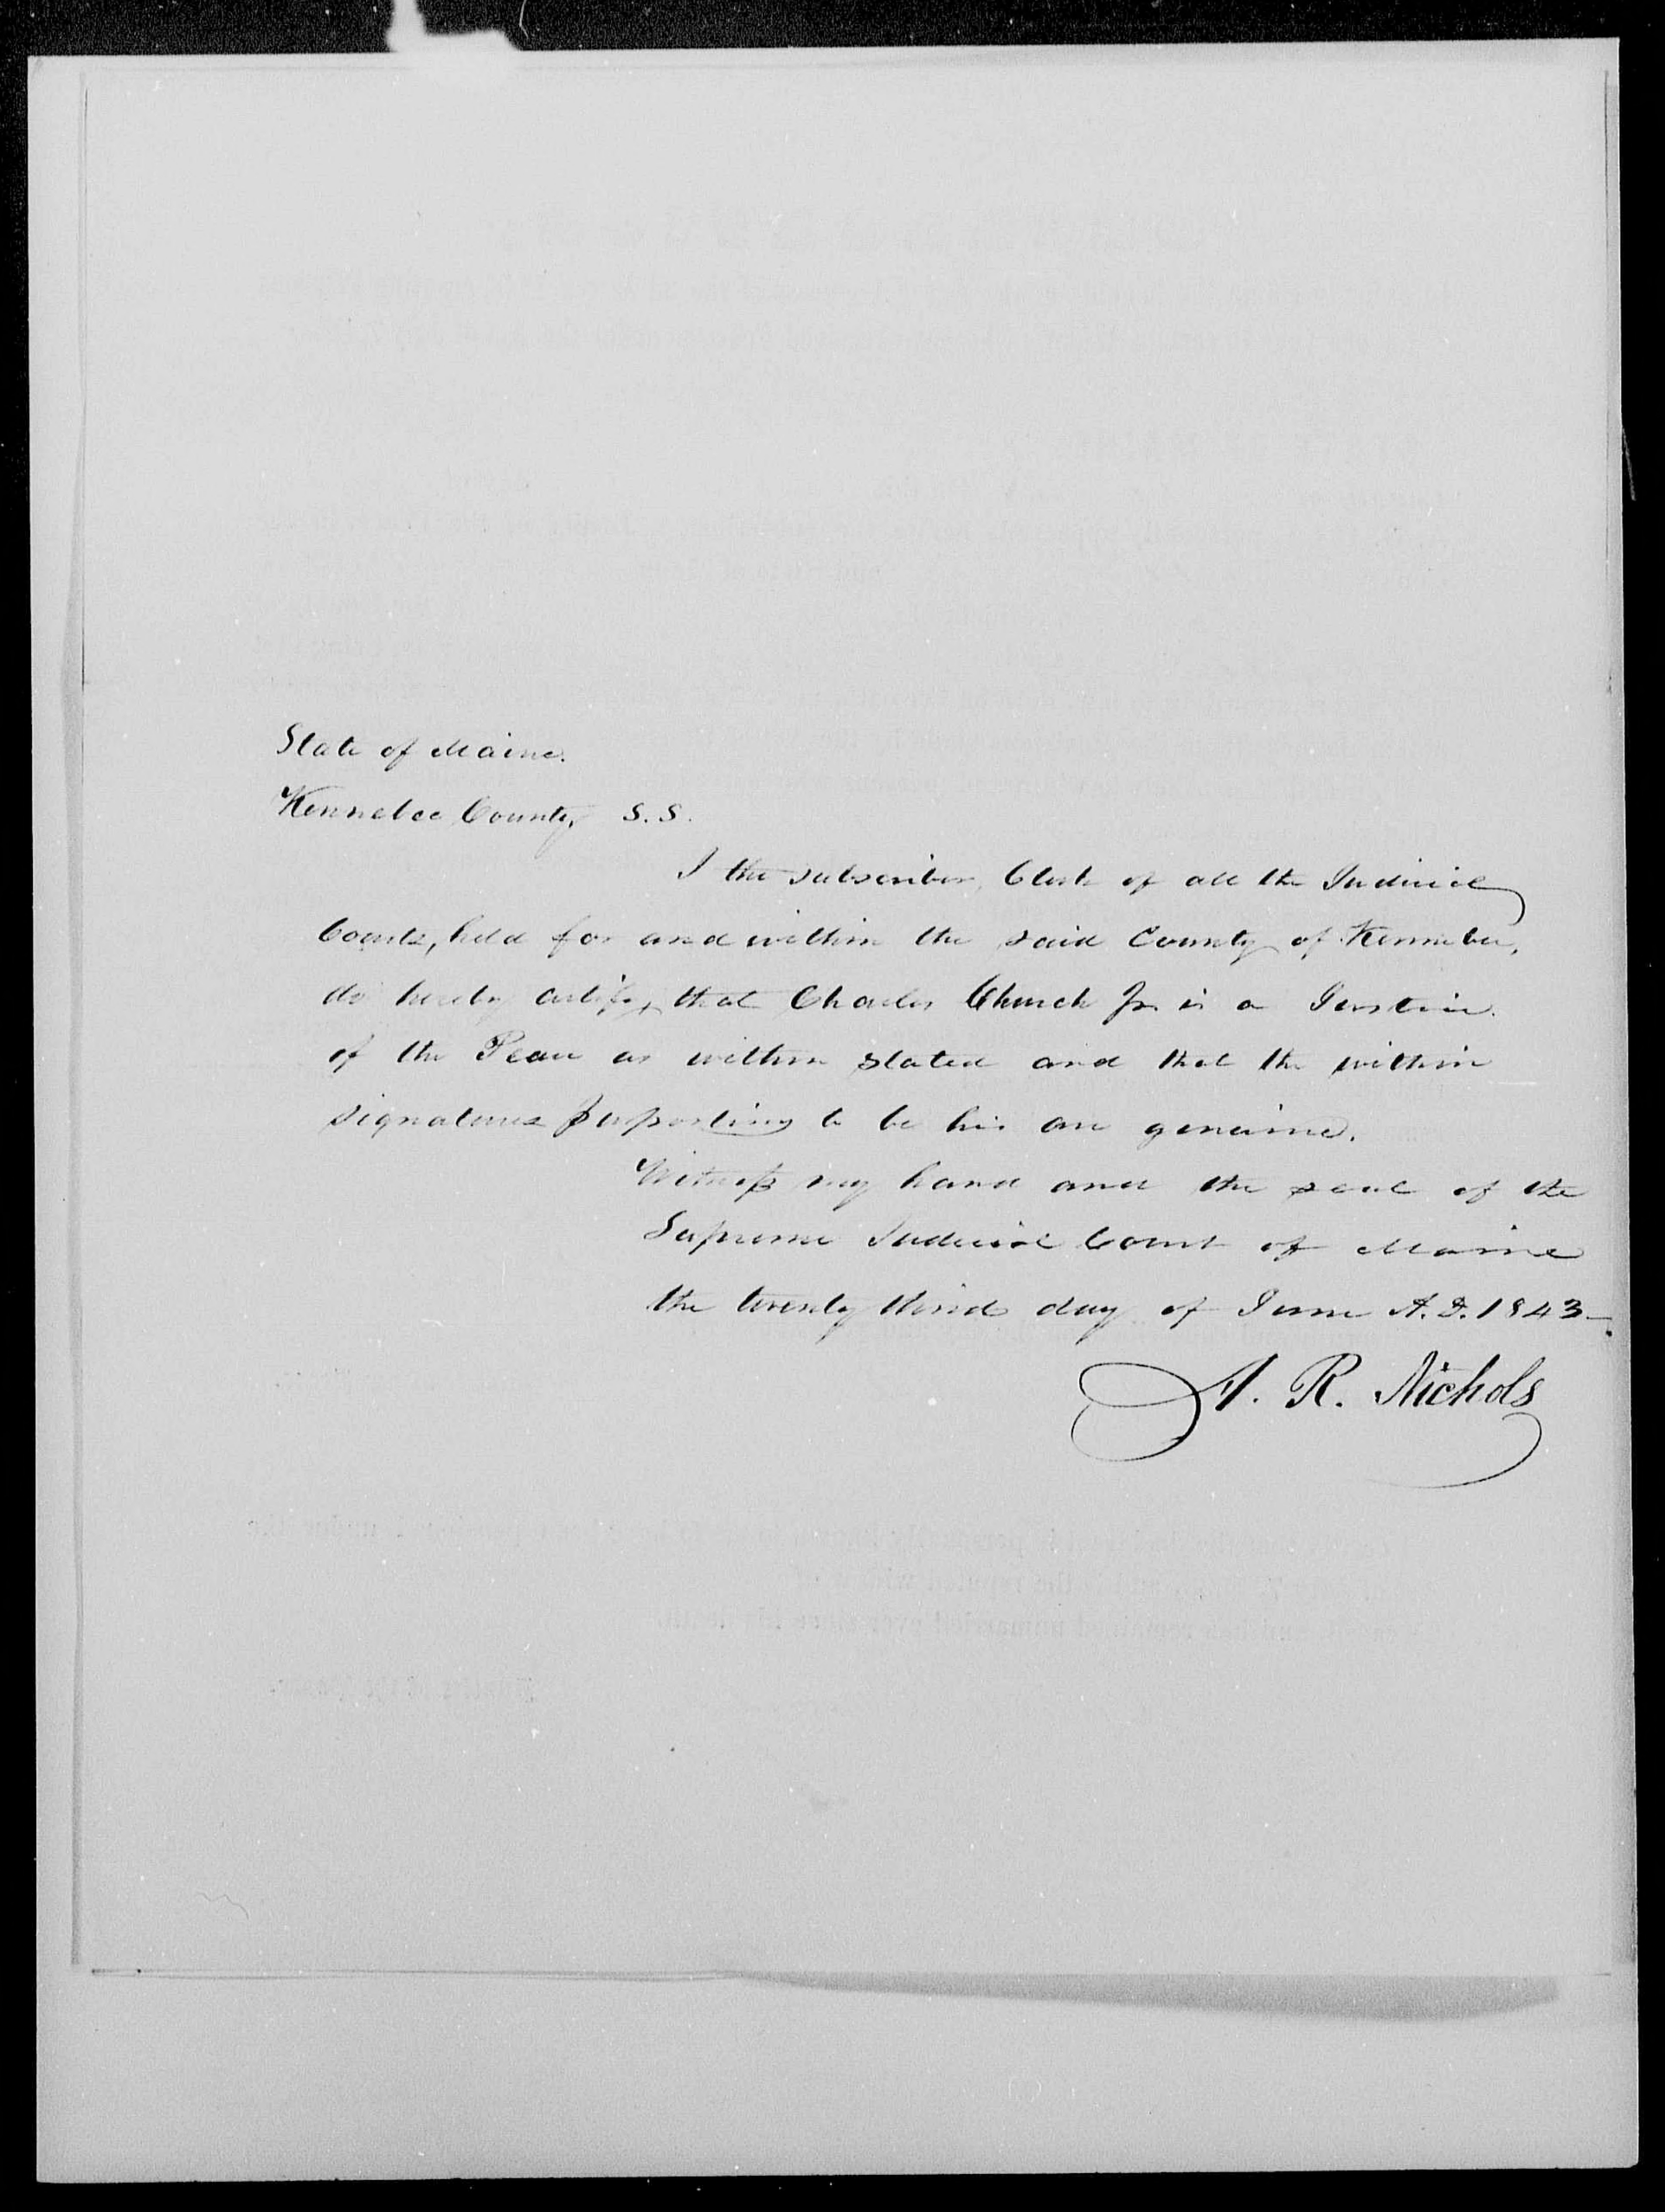State of Maine,
Kennebec County, S.S.
I the subscriber Clerk of all the Judicial
Courts, held for and within the said County of Kennebec,
do herby certify that Charles Church Jr is a Justice
of the Peace in within stated and that the written
signatures purporting to be his on genuine.
Witness my hand and the seal of the
Supreme Judicial Court of Maine
the twenty third day of June A. D. 1843
A. R. Nichols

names: Charles Charch, A R Nichols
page: 35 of 39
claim: widow's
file: W. 23,621, Increase Blethen, Mass.